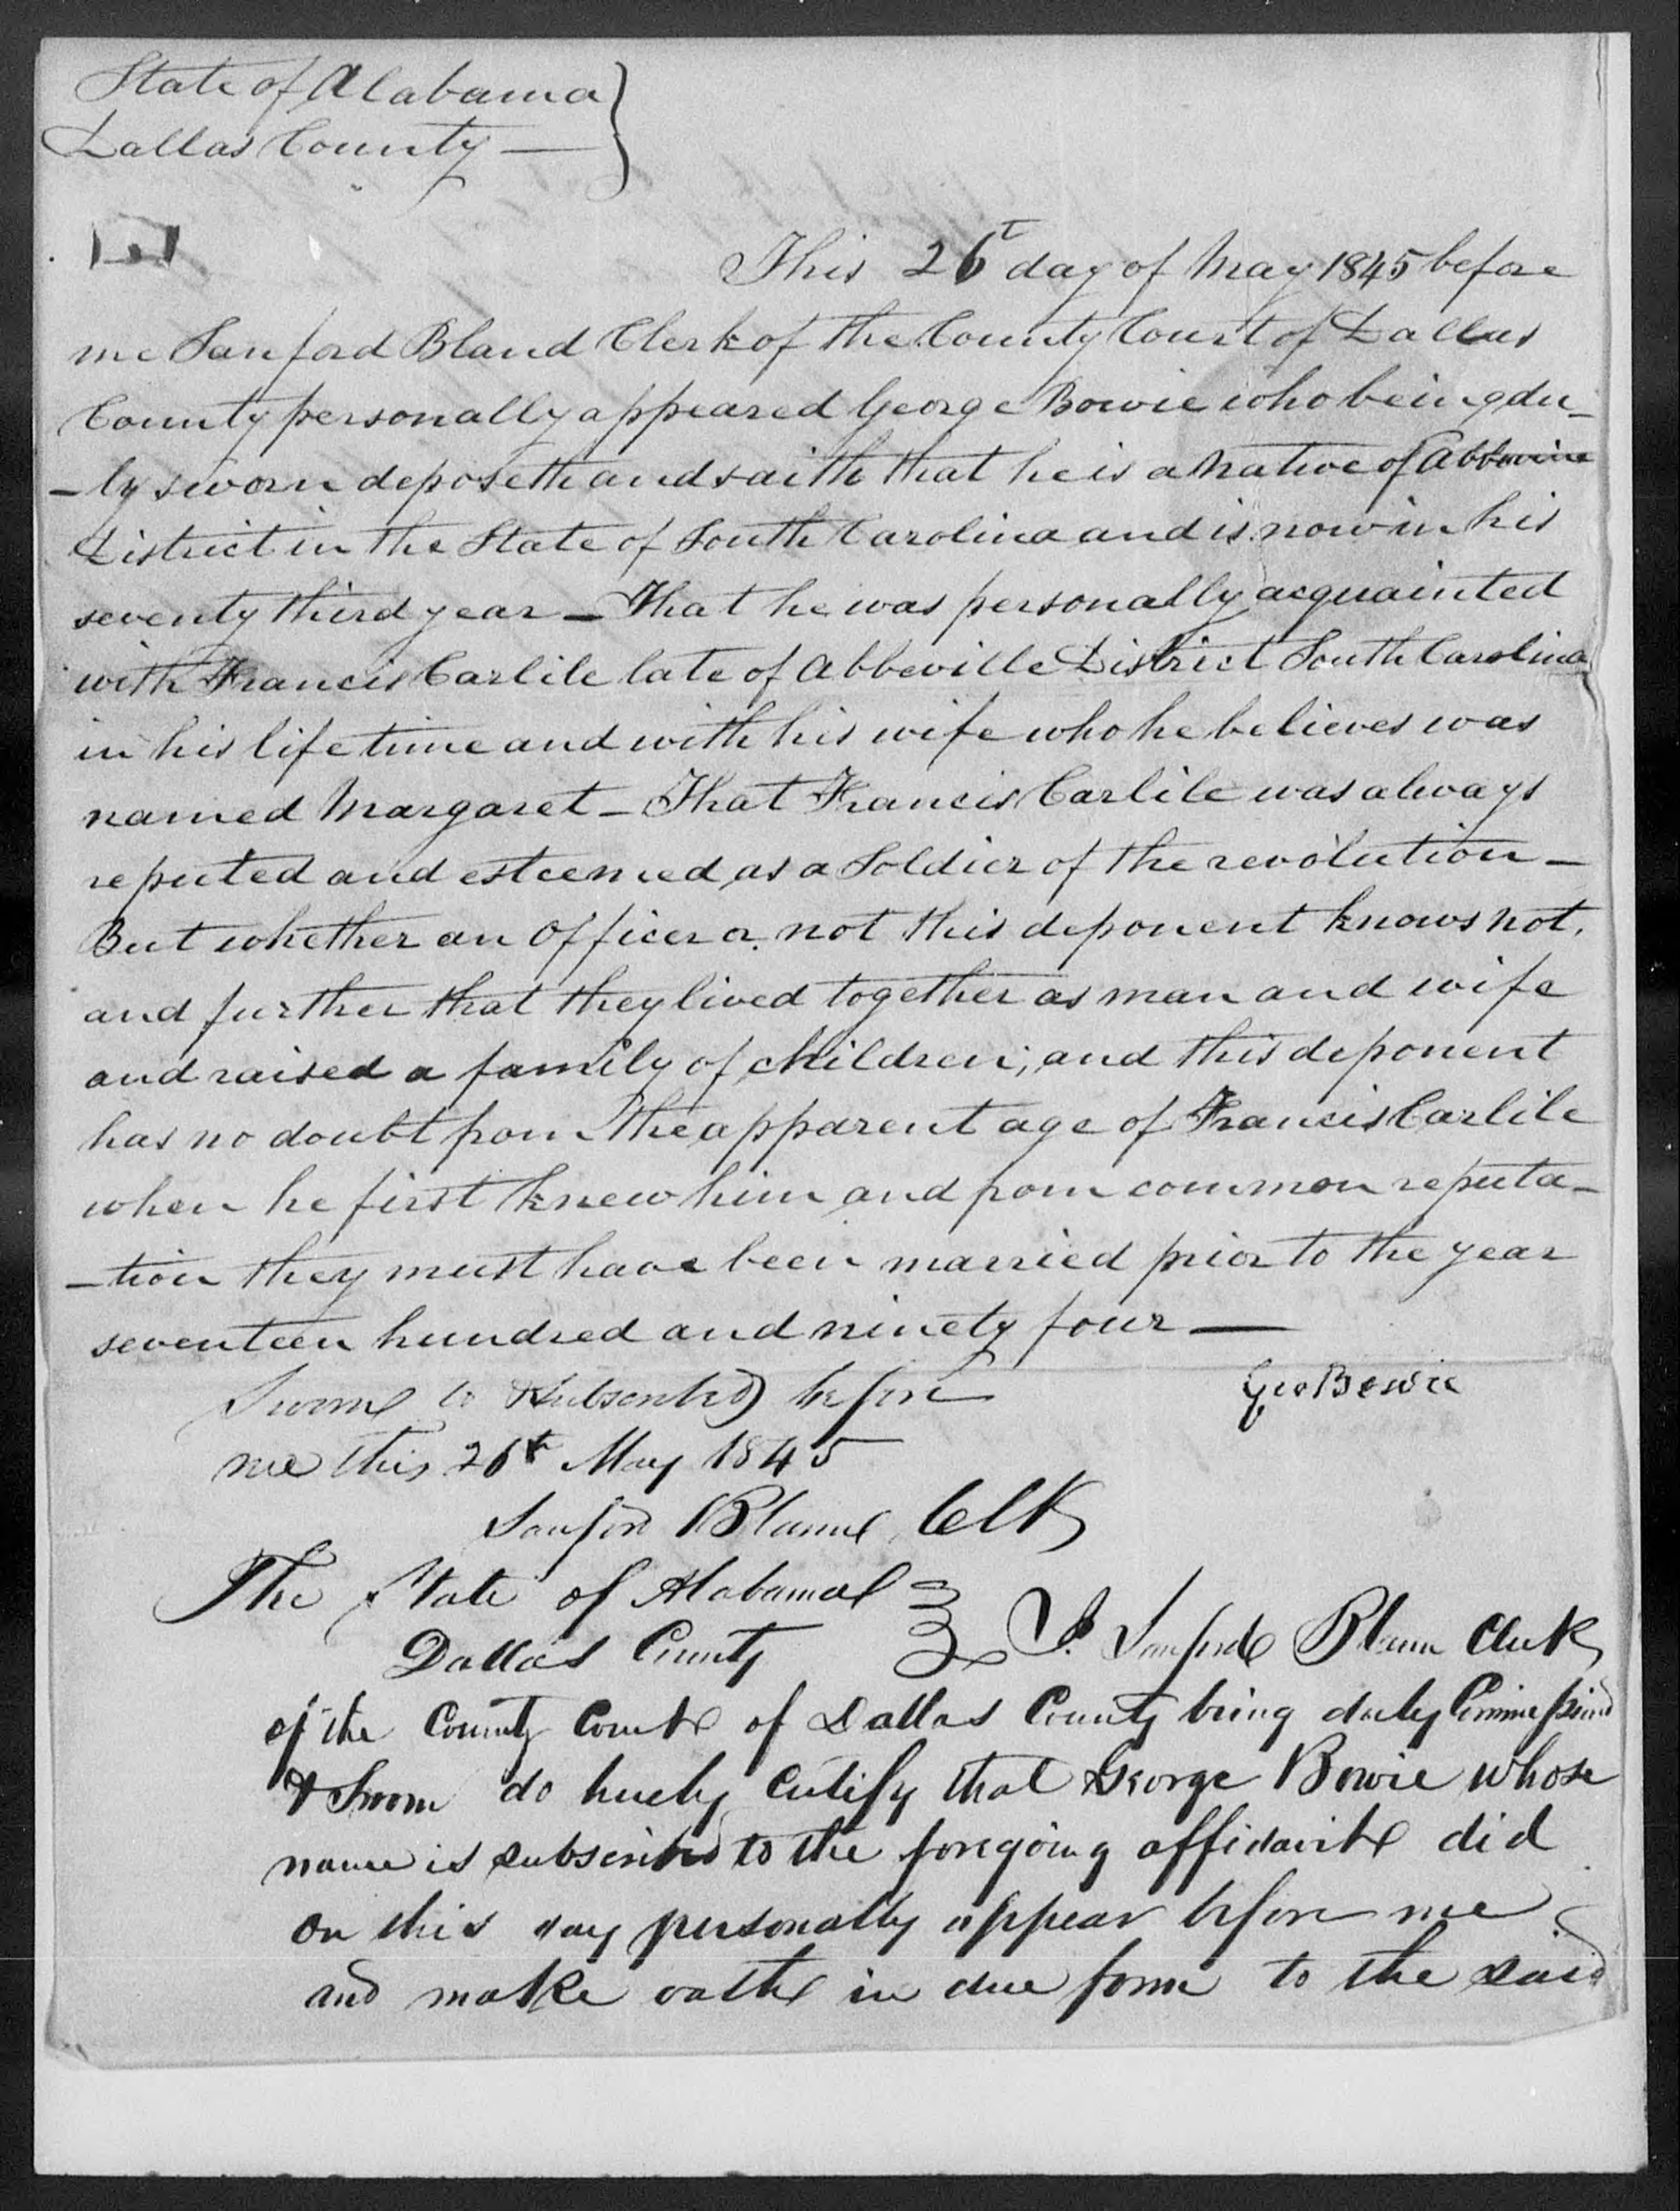State of Alabama
Dallas County
This 26th day of May 1845 before Sanford Bland Clerk of the County Court of Dallas County personally appeared George Bowie who being duly sworn deposeth and saith that he is a native of above District in the State of South Carolina and is now in his seventy third year - That he was personally acquainted with Francis Carlisle late of Abbeville District South Carolina in his life time and with his wife who he believes was named Margaret - That Francis Carlisle was always reputed and esteemed as a soldier of the revolution- But whether an officer or not this deponent knows not, and further that they lived together as man and wife and raised a family of children, and this deponent
has no doubt from the apparent age of Francis Carlisle when he first knew him and from common reputation they must have been married prior to the year seventeen hundred and ninety four-
[signed] Geo Bowie
Sworn to & subscribed before me this 26th May 1845
Sanford Bland Clk

The State of Alabama
Dallas County
I, Sanford Bland Clerk of the County Court of Dallas County being duly commissioned & Sworn do hereby certify that George Bowie whose name is subscribed to the foregoing affidavit did On this day personally appear before me and make oath in due form to the said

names: Sanford Bland, Francis Carlile, Francis Carlile, Francis Carlile, George Bowie, Sanford Bland, Geo Bowie, Margaret, Sanford Bland, George Bowie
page: 69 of 91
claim: widow's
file: W. 10576, Francis Carlisle, S.C.